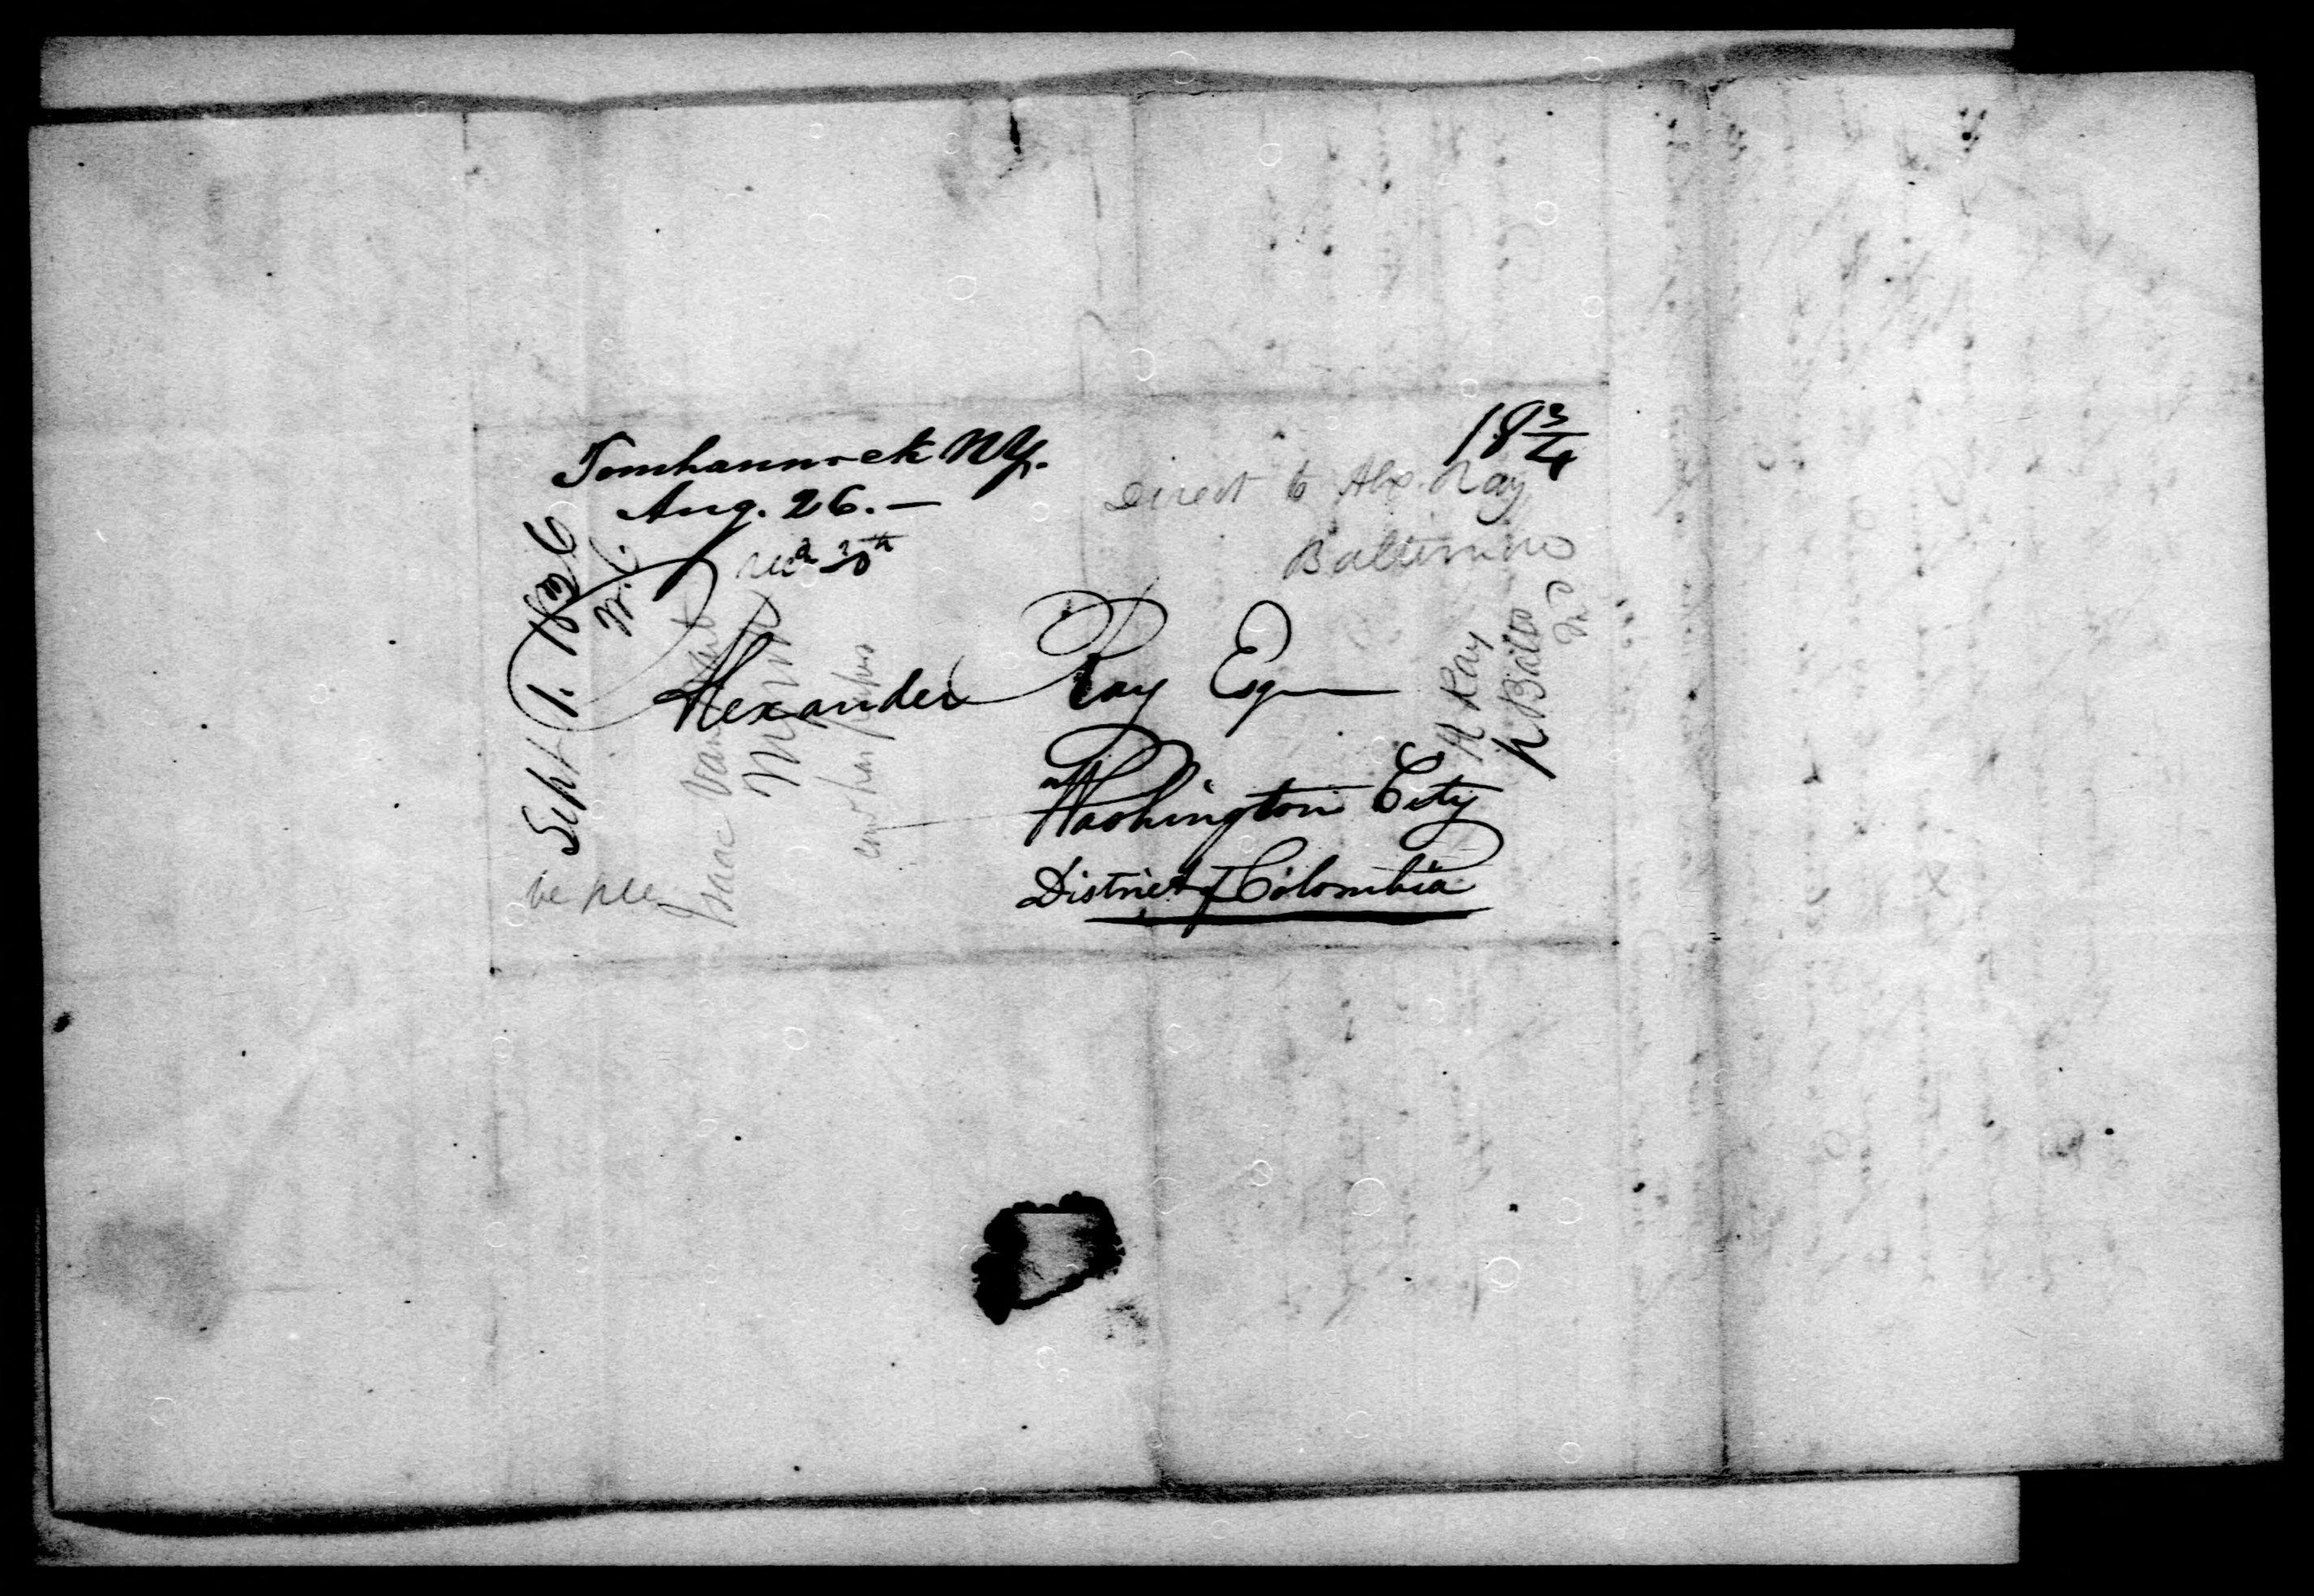Tomhannock N. Y.  18 3/4
Aug. 26. –
Alexander Ray Esq
Washington City 
District Columbia 

Direct to Alx. Ray
Baltimore 

A Ray Balto Md

Sept 1. 1836
N.C.

Isaac Van Wart
NYork
cert has papers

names: Alexander Ray, Alx Ray, Isaac Van Wart, A Ray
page: 71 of 102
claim: widow's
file: W. 18239, Isaac Van Wart, New York